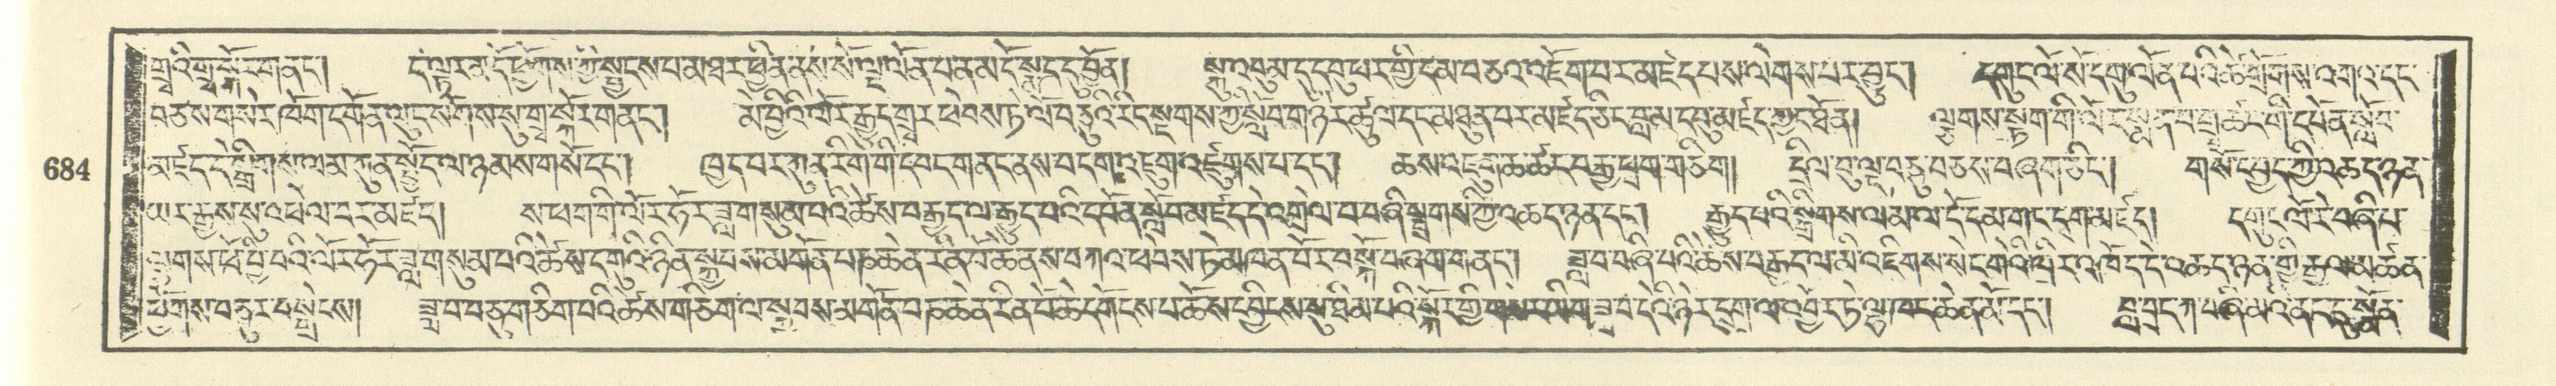གྲྭའི་གྲྭ་སྐོར་གནང་། དེ་ལྟར་མདོ་ཕྱོགས་ཀྱི་སྦྱངས་པ་མཐར་ཕྱིན་ནས་སོ་ལྔ་ལོན་པ་ན་མདོ་སྨད་དུ་བྱོན། སྐུ་འབུམ་དུ་དབུ་ཕར་གྱི་དམ་བཅའ་འཇོག་པར་མཛད་པས་ལེགས་པར་བྱུང་། དགུང་ལོ་སོ་དགུ་ལོན་པའི་ཚེ་གྲོགས་འགའ་དང་
བཅས་གསེར་ཁོག་དགོན་ལུང་སོགས་སུ་གྲྭ་སྐོར་གནང་། མེ་བྱིའི་ལོར་རྒྱུད་གྲྭར་ཕེབས་ཏེ་ལོ་བཅུའི་རིང་སྔགས་ཀྱི་སློབ་གཉེར་ཚུལ་དང་མཐུན་པར་མཛད་ཅིང་བླ་མ་དབུ་མཛད་ཀྱང་ཐོན། ལྕགས་སྟག་གི་ལོར་སྨན་པ་གྲྭ་ཚང་གི་དཔོན་སློབ་
མཛད་དེ་སྒྲིགས་ལམ་ཀུན་སྤྱོད་ལ་ཉམས་གསོ་དང་། ཁྱད་པར་ཀུན་རིག་གི་དབང་གནང་ནས་བདག་འཇུག་འཛུགས་པ་དང་། ཆས་འཇུག་ཆ་ཚང་བརྒྱ་ཕྲག་གཅིག། དྲིལ་བུ་ལྔ་བཅུ་བཅས་བཞག་ཅིང་། གསོ་དཔྱད་ཀྱི་འཆད་ཉན་
ཡར་རྒྱས་སུ་འཕེལ་བར་མཛད། ས་ཕག་གི་ལོར་ཧོར་ཟླ་གསུམ་པའི་ཚེས་བརྒྱད་ལ་རྒྱུད་པའི་དཔོན་སློབ་མཛད་དེ་འགྲེལ་བ་བཞི་སྦྲགས་ཀྱི་འཆད་ཉན་དང་། རྒྱུད་པའི་སྒྲིགས་ལམ་ལ་དོ་དམ་གང་དྲག་མཛད། དགུང་ལོ་རེ་བཞི་པ་
ལྕགས་ཕོ་བྱི་བའི་ལོར་ཧོར་ཟླ་གསུམ་པའི་ཚེས་དགུའི་ཉིན་སྐྱབས་མགོན་པཎ་ཆེན་རིན་པོ་ཆེ་ནས་བཀའ་ཕེབས་ཏེ་མཁན་པོར་བསྐོ་བཞག་གནང་། ཟླ་བ་བཞི་པའི་ཚེས་བརྒྱད་ལ་མི་འཇིགས་སེང་གེའི་ཁྲིར་འཁོད་དེ་འཆད་ཉན་གྱི་རྒྱལ་མཚན་
ཕྱོགས་བཅུར་བསྒྲེངས། ཟླ་བ་བཅུ་གཅིག་པའི་ཚེས་གཅིག་ལ་སྐྱབས་མགོན་པཎ་ཆེན་རིན་པོ་ཆེ་དགོངས་པ་ཆོས་དབྱིངས་སུ་ཐིམ་པའི་སྐོར་གྱི་གསེར་ཡིག་ཟླ་བ་དེའི་ཉེར་དྲུག་ལ་འབྱོར་ཏེ་ལྷ་ཁང་ཆེན་མོ་དང་། བླ་བྲད་ཀ་བཞི་མའི་ནང་དུ་སྨོན་